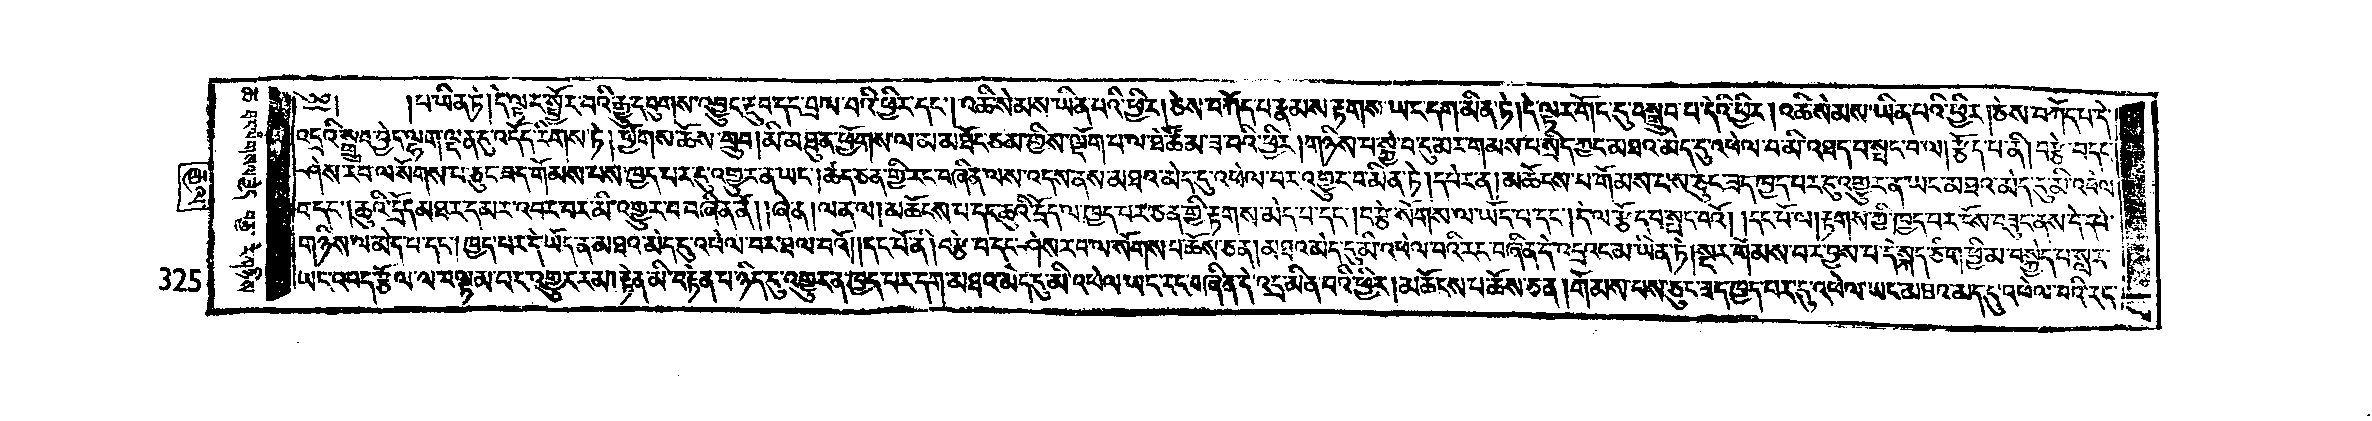༄༅། །པ་ཡིན་ཏེ། དེ་ལྟར་སྦྱོར་བའི་རྒྱུ་དབུགས་འབྱུང་རྡུབ་དང་བྲལ་བའི་ཕྱིར་དང་། འཆི་སེམས་ཡིན་པའི་ཕྱིར། ཅེས་བཀོད་པ་རྣམས་རྟགས་ཡང་དག་མིན་ཏེ། དེ་ལྟར་གོང་དུ་བསྒྲུབ་པ་དེའི་ཕྱིར། འཆི་སེམས་ཡིན་པའི་ཕྱིར། ཅེས་བཀོད་པ་དེ་
འདྲའི་སྒྲུབ་བྱེད་ལྷག་ལྡན་དུ་འདོད་རིགས་ཏེ། ཕྱོགས་ཆོས་གྲུབ། མི་མཐུན་ཕྱོགས་ལ་མ་མཐོང་ཙམ་གྱིས་ལྡོག་པ་ལ་ཐེ་ཚོམ་ཟ་བའི་ཕྱིར། གཉིས་པ་སྐྱེ་བ་དུ་མར་གོམས་?་པ་སྲིད་ཀྱང་མཐའ་མེད་དུ་འཕེལ་བ་མི་འཐད་པ་སྤང་བ་ལ། རྩོད་པ་ནི། བརྩེ་བ་དང་
ཤེས་རབ་ལ་སོགས་པ་ཅུང་ཟད་གོམས་པས་ཁྱད་པར་དུ་འགྱུར་ན་ཡང་། ཚད་ཅན་གྱི་རང་བཞིན་ལས་འདས་ནས་མཐའ་མེད་དུ་འཕེལ་བར་འགྱུར་བ་མིན་ཏེ། དཔེར་ན། མཆོངས་པ་གོམས་པས་ཅུང་ཟད་ཁྱད་པར་དུ་འགྱུར་ན་ཡང་མཐའ་མེད་དུ་མི་འཕེལ་
བ་དང་། ཚུའི་དྲོད་མཐར་དམར་འབར་བར་མི་འགྱུར་བ་བཞིན་ནོ། །ཞེ་ན། ལན་ལ། མཆོངས་པ་དང་ཆུའི་དྲོད་ལ་ཁྱད་པར་ཅན་གྱི་རྟགས་མེད་པ་དང་། བརྩེ་སོགས་ལ་ཡོད་པ་དང་། དེ་ལ་རྩོད་པ་སྤང་བའོ། །དང་པོ་ལ། རྟགས་ཀྱི་ཁྱད་པར་ངོས་བཟུང་ནས་དེ་དཔེ་
གཉིས་ལ་མེད་པ་དང་། ཁྱད་པར་དེ་ཡོད་ན་མཐའ་མེད་དུ་འཕེལ་བར་ཐལ་བའོ། །དང་པོ་ནི། བརྩེ་བ་དང་ཤེས་རབ་ལ་སོགས་པ་ཆོས་ཅན། མཐའ་མེད་དུ་མི་འཕེལ་བའི་རང་བཞིན་དེ་འདྲའང་མ་ཡིན་ཏེ། སྔར་གོམས་པར་བྱས་པ་དེ་སྐད་ཅིག་ཕྱི་མ་བསྐྱེད་པ་སླར་
ཡང་འབད་རྩོལ་ལ་བལྟམ་པར་འགྱུར་རམ། རྟེན་མི་བརྟེན་པ་ཉིད་དུ་འགྱུར་ན་ཁྱད་པར་དག་མཐའ་མེད་དུ་མི་འཕེལ་ཡང་རང་བཞིན་དེ་འདྲ་མིན་པའི་ཕྱིར། མཆོངས་པ་ཆོས་ཅན། གོམས་པས་ཅུང་ཟད་ཁྱད་པར་དུ་འཕེལ་ཡང་མཐའ་མེད་དུ་འཕེལ་བའི་རང་